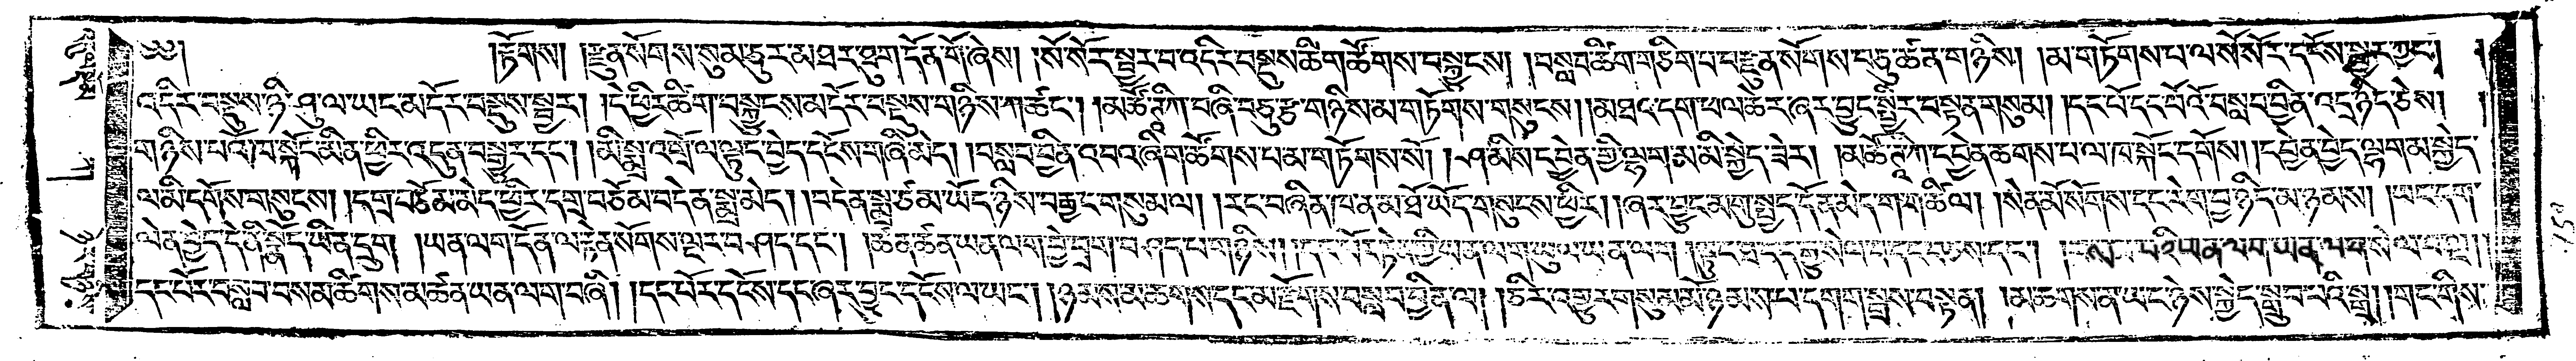༄༅། །རྟོགས། །རྫུན་སོགས་སུམ་ཅུར་མཐར་ཐུག་དོན་གོ་ཞེས། །སོ་སོར་སྦྱར་བ་འདིར་བསྡུས་ཚིག་ཚོགས་བསྐྱུངས། །བསླབ་ཚིག་གཅིག་པ་བརྫུན་སོགས་བཅུ་ཚན་གཉིས། །མ་གཏོགས་པ་ལ་སོ་སོར་དངོས་སྦྱར་ཀྱང་། །
འདིར་བསྡུས་ཉི་ཤུ་ལ་ཡང་མདོར་བསྡུས་སྦྱར། །དེ་ཕྱིར་ཚིག་བསྐྱུངས་མདོར་བསྡུས་གཉིས་ཀ་ཚང་། །མཚོ་ཊཱིཀ་བཞི་བཅུ་རྩ་གཉིས་མ་གཏོགས་གསུངས། །མཐའ་དག་ཕལ་ཆེར་ཞར་བྱུང་སྤྱིར་བསྟན་གསུམ། །དང་པོ་དང་པོའོ་བསླབ་བྱིན་འདྲ་ཉིད་ཅེས། །
གཉིས་པའོ་ཁ་སྐོང་མིན་ཕྱིར་འདུན་བསྒྱུར་དང་། །མི་སྨྲ་འགྲོ་ལ་ལྟུང་བྱེད་དངོས་གཞི་མེད། །བསླབ་བྱིན་འབའ་ཞིག་ཚོགས་པ་མ་གཏོགས་སོ། །ཤ་མིས་དབྱེན་གྱི་ལྷག་མ་མི་སྐྱེད་ཟེར། །མཚོ་ཊཱིཀ་དབྱེན་ཆགས་པ་ལ་ཁ་སྐོང་དགོས། །དབྱེན་བྱེད་ལྷག་མ་སྐྱེད་
ལ་མི་དགོས་གསུངས། །དགྲ་བཅོམ་མེད་ཕྱིར་དགྲ་བཅོམ་བདེན་སྨྲ་མེད། །བདེན་སྨྲ་ཙམ་ཡོད་ཉིས་བརྒྱང་གསུམ་ལ། །རང་བཞིན་ཁ་ན་མ་ཐོ་ཡོད་གསུངས་ཕྱིར། །ཞར་བྱུང་མགུ་སྤྱད་དོན་མེད་ག་ག་ཚིལ། །སེན་མོ་སོགས་དང་རེག་བྱ་ཉིད་མ་ཉམས། །ཡང་དག་
ལེན་བྱེད་དེ་ནི་སྣོད་ཡིན་དྲུག །ཡན་ལག་དོན་ལ་རྟེན་སོགས་ལྔར་བཤད་དང་། །ཚན་ཚན་ཡན་ལག་བྱེ་བྲག་བཤད་པ་གཉིས། །དང་པོར་རྟེན་གྱི་ཡན་ལག་ཡུལ་པན་ལག །ལྟུར་ཐ་དད་རྒྱུ་སེལ་བ་དང་བཅས་དང་། །བསམ་པའི་ཡན་ལག་ཡན་ལག་སེལ་བ་ལྔ།།
དང་པོར་བསླབ་བསམ་ཚིགས་མཚན་ཡན་ལག་བཞི། །དང་པོར་དངོས་དང་ཞར་བྱུང་དངོས་ལ་ཡང་། །ཉམས་མ་ཆགས་དང་མ་རྫོགས་བསླབ་བྱིན་ལ། །ཅིར་འགྱུར་གསུམ་མོ་ཉམས་པ་དགག་སྒྲས་བསྟན། །མ་ཆགས་ན་ཡང་ཉེས་སྐྱེད་སྒྲུབ་པའི་སྒྲ། །གང་གིས་